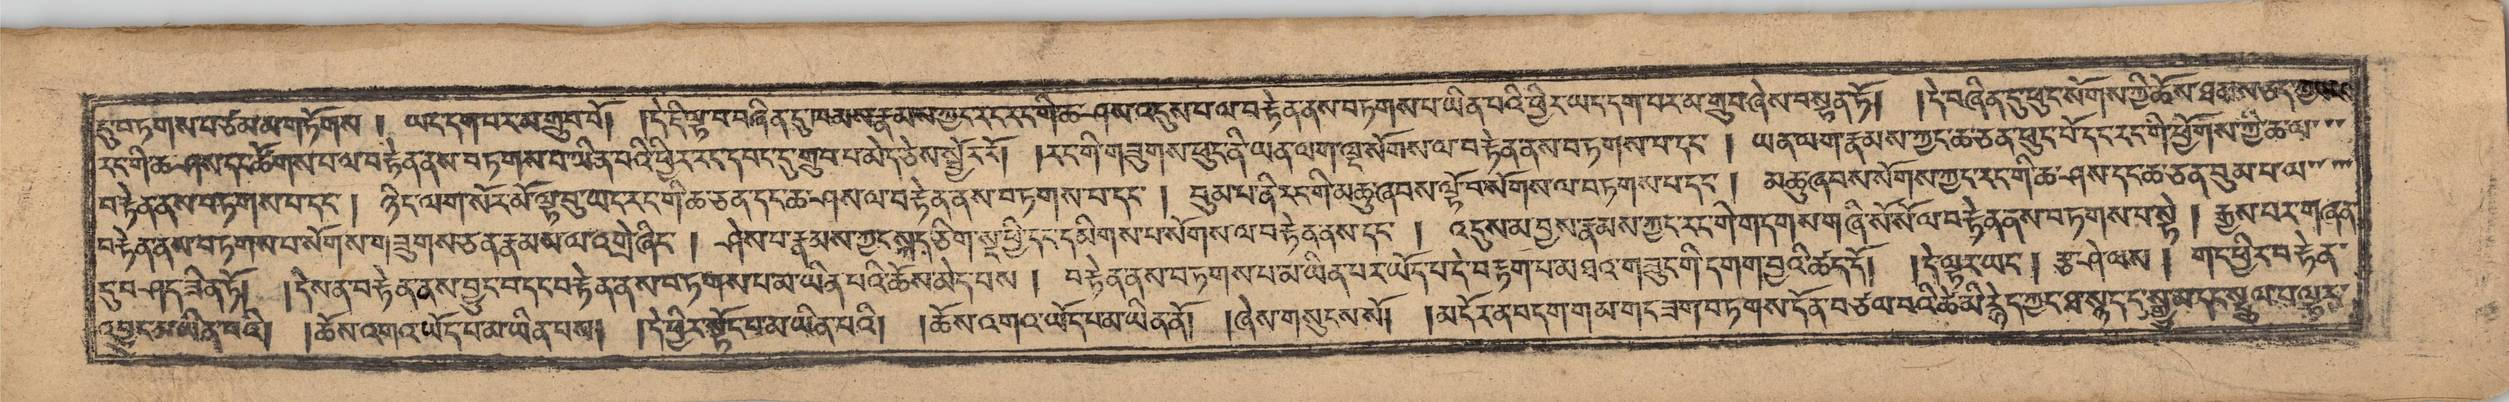དུ་བཏགས་པ་ཙམ་མ་གཏོགས། ཡང་དག་པར་མ་གྲུབ་བོ། །དེ་ཇི་ལྟ་བ་བཞིན་དུ་ཁམས་རྣམས་ཀྱང་རང་རང་གི་ཆ་ཤས་འདུས་པ་ལ་བརྟེན་ནས་བཏགས་པ་ཡིན་པའི་ཕྱིར་ཡང་དག་པར་མ་གྲུབ་ཞེས་བསྟན་ཏོ། །དེ་བཞིན་དུ་ཕུང་སོགས་ཀྱི་ཆོས་ཐམས་ཅད་ཀྱང་རང་
རང་གི་ཆ་ཤས་དང་ཚོགས་པ་ལ་བརྟེན་ནས་བཏགས་པ་ཡིན་པའི་ཕྱིར་རང་དབང་དུ་གྲུབ་པ་མེད་ཅེས་སྦྱོར་རོ། །རང་གི་གཟུགས་ཕུང་ནི་ཡན་ལག་ལྔ་སོགས་ལ་བརྟེན་ནས་བཏགས་པ་དང་། ཡན་ལག་རྣམས་ཀྱང་ཆ་ཅན་ཕུང་པོ་དང་རང་གི་ཕྱོགས་ཀྱི་ཆ་ལ་
བརྟེན་ནས་བཏགས་པ་དང་། ཉིང་ལག་སོར་མོ་ལྟ་བུ་ཡང་རང་གི་ཆ་ཅན་དང་ཆ་ཤས་ལ་བརྟེན་ནས་བཏགས་པ་དང་། བུམ་པ་ནི་རང་གི་མཆུ་ཞབས་ལྟོ་བ་སོགས་ལ་བཏགས་པ་དང་། མཆུ་ཞབས་སོགས་ཀྱང་རང་གི་ཆ་ཤས་དང་ཆ་ཅན་བུམ་པ་ལ་
བརྟེན་ནས་བཏགས་པ་སོགས་གཟུགས་ཅན་རྣམས་ལ་འགྲེ་ཞིང་། ཤེས་པ་རྣམས་ཀྱང་སྐད་ཅིག་སྔ་ཕྱི་དང་དམིགས་པ་སོགས་ལ་བརྟེན་ནས་དང་། འདུས་མ་བྱས་རྣམས་ཀྱང་རང་གི་གདགས་གཞི་སོ་སོ་ལ་བརྟེན་ནས་བཏགས་པ་སྟེ། རྒྱས་པར་གཞན་
དུ་བཤད་ཟིན་ཏོ། །དེས་ན་བརྟེན་ནས་བྱུང་བ་དང་བརྟེན་ནས་བཏགས་པ་མ་ཡིན་པའི་ཆོས་མེད་པས། བརྟེན་ནས་བཏགས་པ་མ་ཡིན་པར་ཡོད་པ་དེ་བརྟག་པ་མཐའ་གཟུང་གི་དགག་བྱའི་ཚད་དོ། །དེ་ལྟར་ཡང་། རྩ་ཤེ་ལས། གང་ཕྱིར་བརྟེན་
འབྱུང་མ་ཡིན་པའི། །ཆོས་འགའ་ཡོད་པ་མ་ཡིན་པས། །དེ་ཕྱིར་སྟོང་པ་མ་ཡིན་པའི། །ཆོས་འགའ་ཡོད་པ་མ་ཡིན་ནོ། །ཞེས་གསུངས་སོ། །མདོར་ན་བདག་གམ་གང་ཟག་བཏགས་དོན་བཙལ་བའི་ཚེ་མི་རྙེད་ཀྱང་ཐ་སྙད་དུ་སྒྱུ་མ་དང་སྤྲུལ་པ་ལྟར་